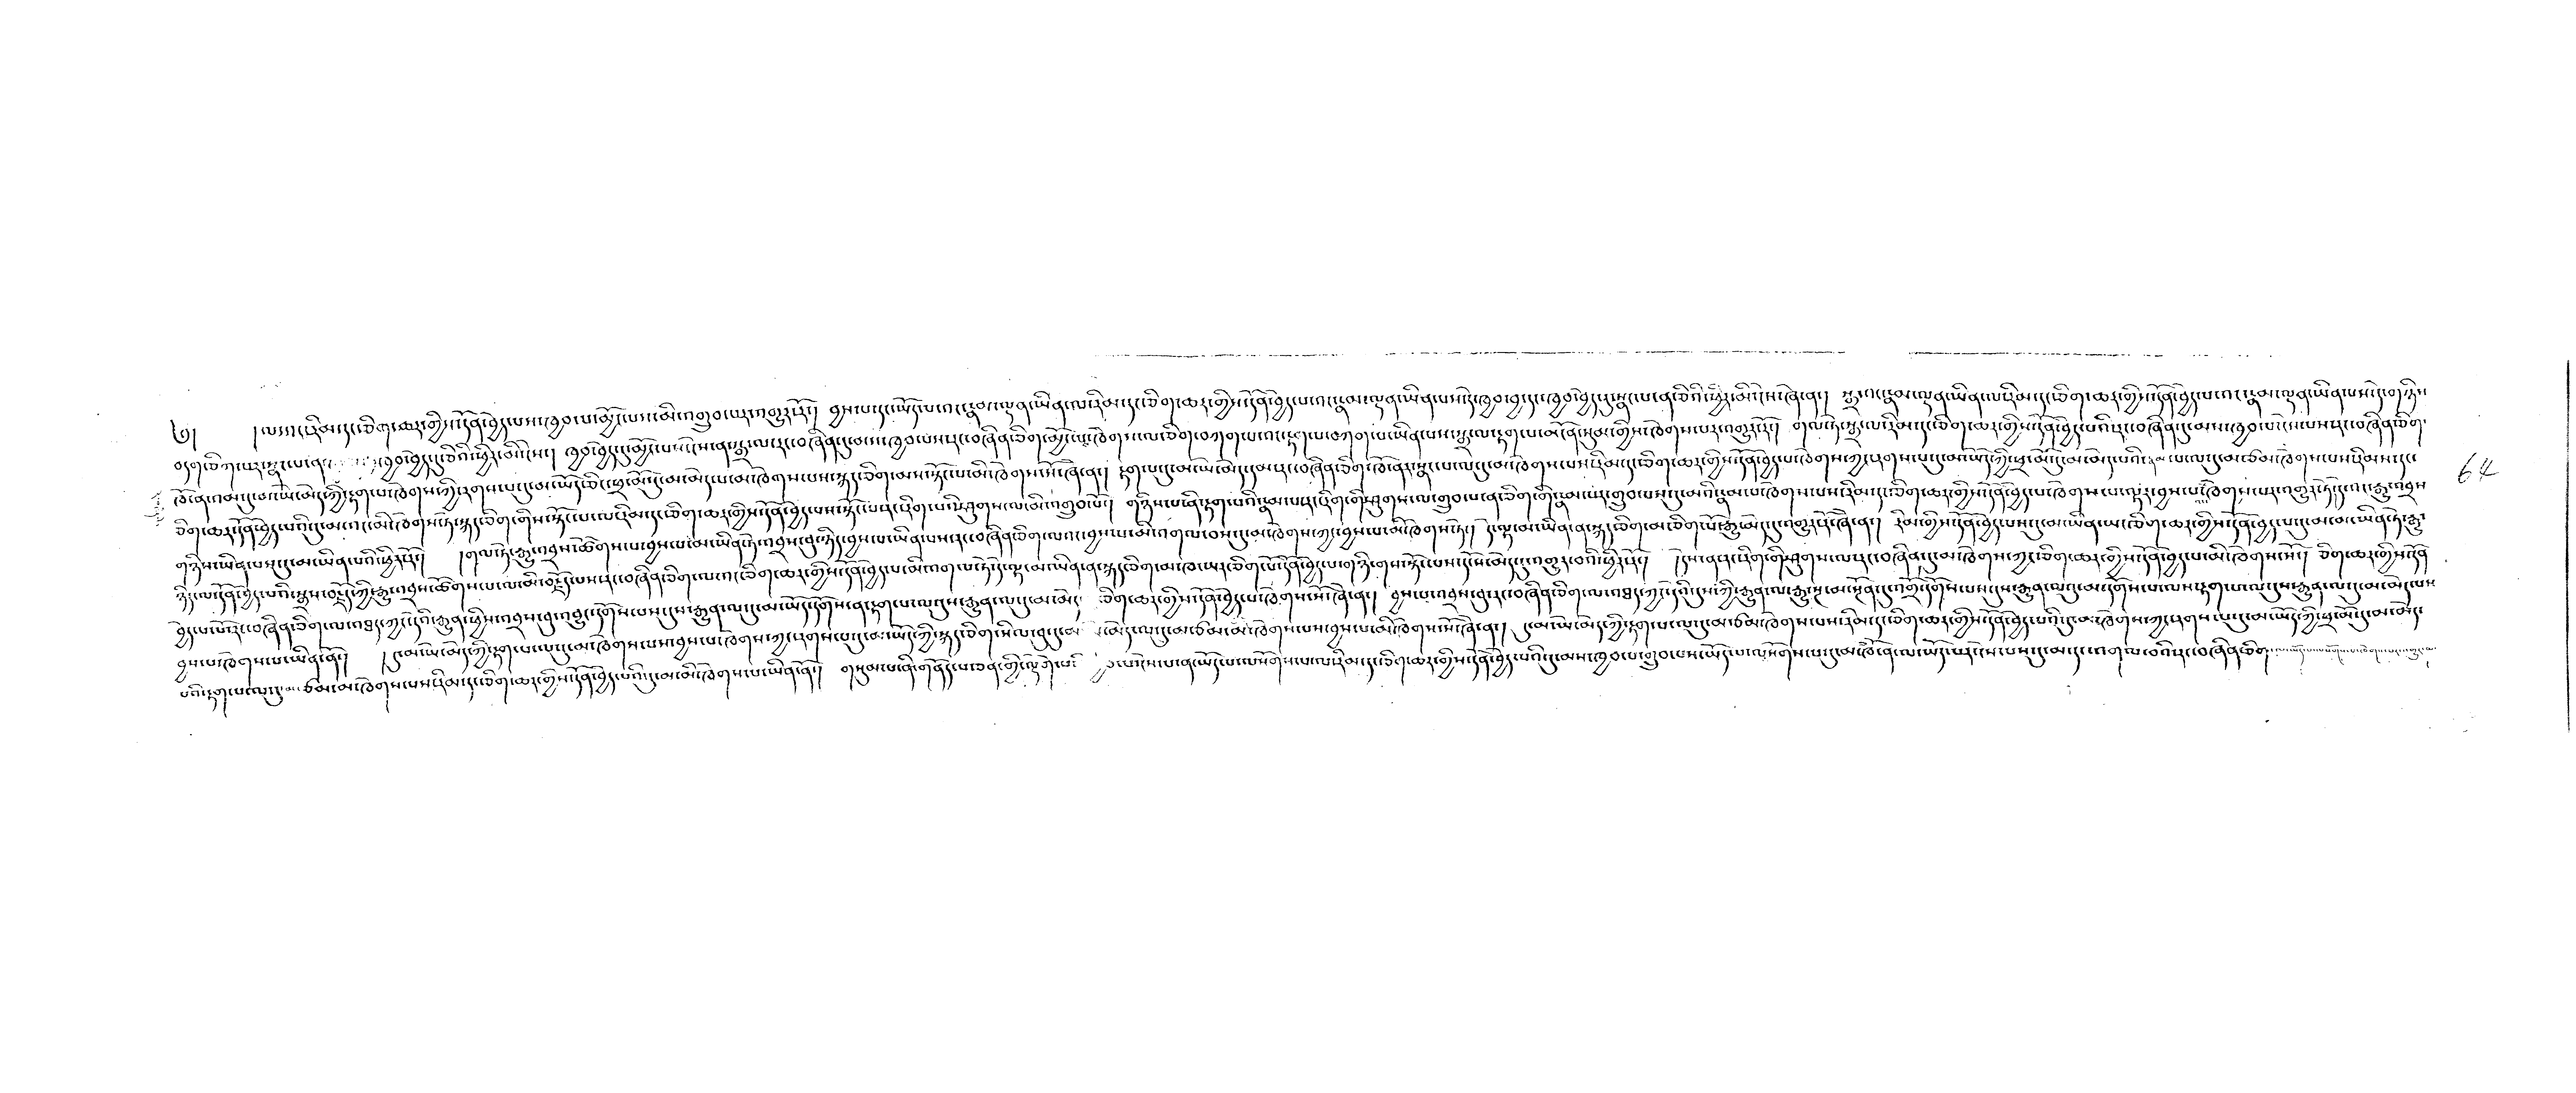༄༅། །ལ་འང་རིམ་དང་ཅིག་ཆར་གྱིས་དོན་བྱེད་པས་ཁྱབ་པ་མྱོང་པས་མི་འགྲུབ་པར་འགྱུར་རོ། བྱས་པ་དང་ཡོད་པ་འང་རྣམ་ལྡན་ཡིན་ལ་རིམ་དང་ཅིག་ཆར་གྱིས་དོན་བྱེད་པ་འང་རྣམ་ལྡན་ཡིན་པས་དེ་ཁྱབ་བྱ་དང་ཁྱབ་བྱེད་དུ་སྣང་པ་ན་ཅིའི་ཕྱིར་མི་ངེས་ཞེ་ན། སྒྲ་འང་རྣམ་ལྡན་ཡིན་ལ་རིམ་དང་ཅིག་ཆར་གྱིས་དོན་བྱེད་པ་འང་རྣམ་ལྡན་ཡིན་པས་དེ་གཉིས་
བདག་ཅིག་པར་སྣང་པ་ན་?་?་ཁྱབ་བྱེད་དུ་ཅིའི་ཕྱིར་མི་ངེས། ཁྱབ་བྱེད་དུ་མྱོང་པས་ངེས་ནས་སྒྲ་ལ་རང་བཞིན་དུ་མས་ཁྱབ་པས་རང་བཞིན་ཅིག་མྱོང་པས་ཁེགས་ལ་ཅིག་བཀག་པ་འང་རྟག་པ་བཀག་པ་ཡིན་པས་སྒྲ་ལ་རྟག་པ་མངོན་སུམ་གྱིས་ཁེགས་པར་འགྱུར་རོ། གལ་ཏེ་སྒྲ་ལ་རིམ་དང་ཅིག་མར་གྱིས་དོན་བྱེད་པའི་རང་བཞིན་དུ་མས་ཁྱབ་པ་ངེས་པས་རང་བཞིན་ཅིག་
ཁོ་ན་འམ་དུ་མ་ཡེ་མེད་ཀྱི་རྟག་པ་ཁེགས་ཀྱི་རགས་པ་དུ་མ་ཡོད་ཅིང་ཕྲ་མོ་དུ་མ་མེད་པ་མ་ཁེགས་པས་སྐད་ཅིག་མས་སྟོང་པ་མི་ཁེགས་སོ་ཞེ་ན། རྟག་པ་དུ་མ་ཡེ་མེད་དམ་རང་བཞིན་ཅིག་ཁོ་ནར་སྣང་པ་ལ་དུ་མ་ཁེགས་པས་རིམ་དང་ཅིག་ཆར་གྱིས་དོན་བྱེད་པ་ཁེགས་ཀྱང་རགས་པ་དུ་མ་ཡོད་ཀྱི་ཕྲ་མོ་དུ་མ་མེད་པའི་རྣམ་པ་ལ་དུ་མ་ཙམ་ཁེགས་པས་རིམས་དང་
ཅིག་ཆར་དོན་བྱེད་པའི་དུ་མ་འང་མི་ཁེགས་ཏེ་སྐད་ཅིག་གིས་སྟོང་པ་ལ་རིམ་དང་ཅིག་ཆར་གྱིས་དོན་བྱེད་པས་སྟོང་པ་རང་རིག་པའི་ཤུགས་ལ་མི་འགྲུབ་པོ། གཉིས་པ་ནི་རྟག་པའི་རྣམ་པ་རང་རིག་གི་ཤུགས་ལ་གྲུབ་པ་ན་ཅིག་གི་རྣམ་པར་གྲུབ་པས་དུ་མའི་རྣམ་པ་ཁེགས་པས་རིམ་དང་ཅིག་ཆར་གྱིས་དོན་བྱེད་པ་ཁེགས་པ་ལྟར་བྱས་པ་ནས་ཁེགས་པར་འགྱུར་ཏོ་དེ་འང་རྒྱུ་འབྲས་
གཉིས་ཡིན་པས་དུ་མ་ཡིན་པའི་ཕྱིར་རོ། །གལ་ཏེ་རྒྱུ་འབྲས་ཚོགས་པ་བྱས་པ་མ་ཡིན་ཏེ་འབྲས་བུ་ཉིད་བྱས་པ་ཡིན་པས་རང་བཞིན་ཅིག་ལའང་བྱས་པ་མི་འགལ་བས་དུ་མ་ཁེགས་ཀྱང་བྱས་པ་མི་ཁེགས་ཏེ། དེ་ལྟ་མ་ཡིན་ན་སྐད་ཅིག་མ་ཅིག་པོ་རྒྱུ་མེད་དུ་འགྱུར་རོ་ཞེ་ན། རིམ་གྱིས་དོན་བྱེད་པས་དུ་མ་ཡིན་ཡང་ཅིག་ཆར་གྱིས་དོན་བྱད་པ་དུ་མ་མ་ཡིན་ཏེ་རྒྱུ་
ཉིད་ལ་དོན་བྱེད་པའི་སྒྲས་བརྗོད་ཀྱི་རྒྱུ་འབྲས་ཚོགས་པ་ལ་མི་བརྗོད་པས་རང་བཞིན་ཅིག་ལ་འང་ཅིག་ཆར་གྱིས་དོན་བྱེད་པ་མི་འགལ་ཏེ་དེ་ལྟ་མ་ཡིན་ན་སྐད་ཅིག་མ་ཁ་ཡར་ཅིག་པོ་དོན་བྱེད་པ་གཉི་གས་སྟོང་པས་དངོས་མེད་དུ་འགྱུར་བའི་ཕྱིར་རོ། །དེས་ན་རང་རིག་གི་ཤུགས་ལ་རང་བཞིན་དུ་མ་ཁེགས་ཀྱང་ཅིག་ཆར་གྱིས་དོན་བྱེད་པ་མི་ཁེགས་སོ། ཅིག་ཆར་གྱིས་དོན་
བྱེད་པ་པོ་རང་བཞིན་ཅིག་ལ་འཐད་ཀྱང་དེའི་རྒྱུན་ཕྱིས་འབྲས་བུ་འབྱུང་དགོས་པས་དུས་རྒྱུན་ལ་དུ་མ་ཡོད་དགོས་ན་རྟག་པ་མ་དུས་རྒྱུན་ལ་དུ་མ་མེད་ཅིག་ཆར་གྱིས་དོན་བྱེད་པ་ཁེགས་སོ་ཞེ་ན། བྱས་པ་འབྲས་བུ་རང་བཞིན་ཅིག་ལ་འཐད་ཀྱང་དེའི་དུས་ཀྱི་རྒྱུན་ལ་རྒྱུ་སྔ་མ་སྔོན་དུ་འགྲོ་དགོས་པས་དུས་རྒྱུན་ལ་དུ་མ་དགོས་པ་ལས་རྟག་པ་ལ་དུས་རྒྱུན་ལ་དུ་མ་མེད་པས་
བྱས་པ་ཁེགས་པ་ཡིན་ནོ། །དུ་མ་ཡེ་མེད་ཀྱི་རྟག་པ་ལ་དུ་མ་ཁེགས་པས་བྱས་པ་ཁེགས་ཀྱང་རགས་པ་དུ་མ་ཡོད་ཀྱི་སྐད་ཅིག་སིལ་བུ་དུ་མའི?་མེད་ལ་དུ་མ་ཙམ་མི་ཁེགས་པས་བྱས་པ་མི་ཁེགས་སོ་ཞེ་ན། དུ་མ་ཡེ་མེད་ཀྱི་རྟག་པ་ལ་དུ་མ་ཙམ་ཁེགས་པས་རིམ་དང་ཅིག་ཆར་གྱིས་དོན་བྱེད་པའི་དུ་མ་ཁེགས་ཀྱང་རགས་པ་དུ་མ་ཡོད་ཀྱི་ཕྲ་མོ་དུ་མ་མེད་
པའི་རྟག་པ་ལ་དུ་མ་ཙམ་མ་ཁེགས་པས་རིམ་དང་ཅིག་ཆར་གྱིས་དོན་བྱེད་པའི་དུ་མ་མི་ཁེགས་པ་ཡིན་ནོ། གསུམ་པ་ནི་གནོད་པ་ཅན་གྱི་ལྡོག་པའི་ཁྱབ་པ་ངེས་པ་ན་ཡོད་པ་ལ་སོགས་པ་ལ་རིམ་དང་ཅིག་ཆར་གྱིས་དོན་བྱེད་པའི་དུ་མས་ཁྱབ་པ་གྲུབ་པས་ཡོད་པ་ལ་སོགས་པ་དུ་མ་ཁོ་ན་ལ་ཡོད་པར་ངེས་པས་དུ་མ་དང་འགལ་བའི་རང་བཞིན་ཅིག་ལ་ཡོད་པ་ལ་སོགས་པ་ཁེགས་པར་འགྱུར་མ?